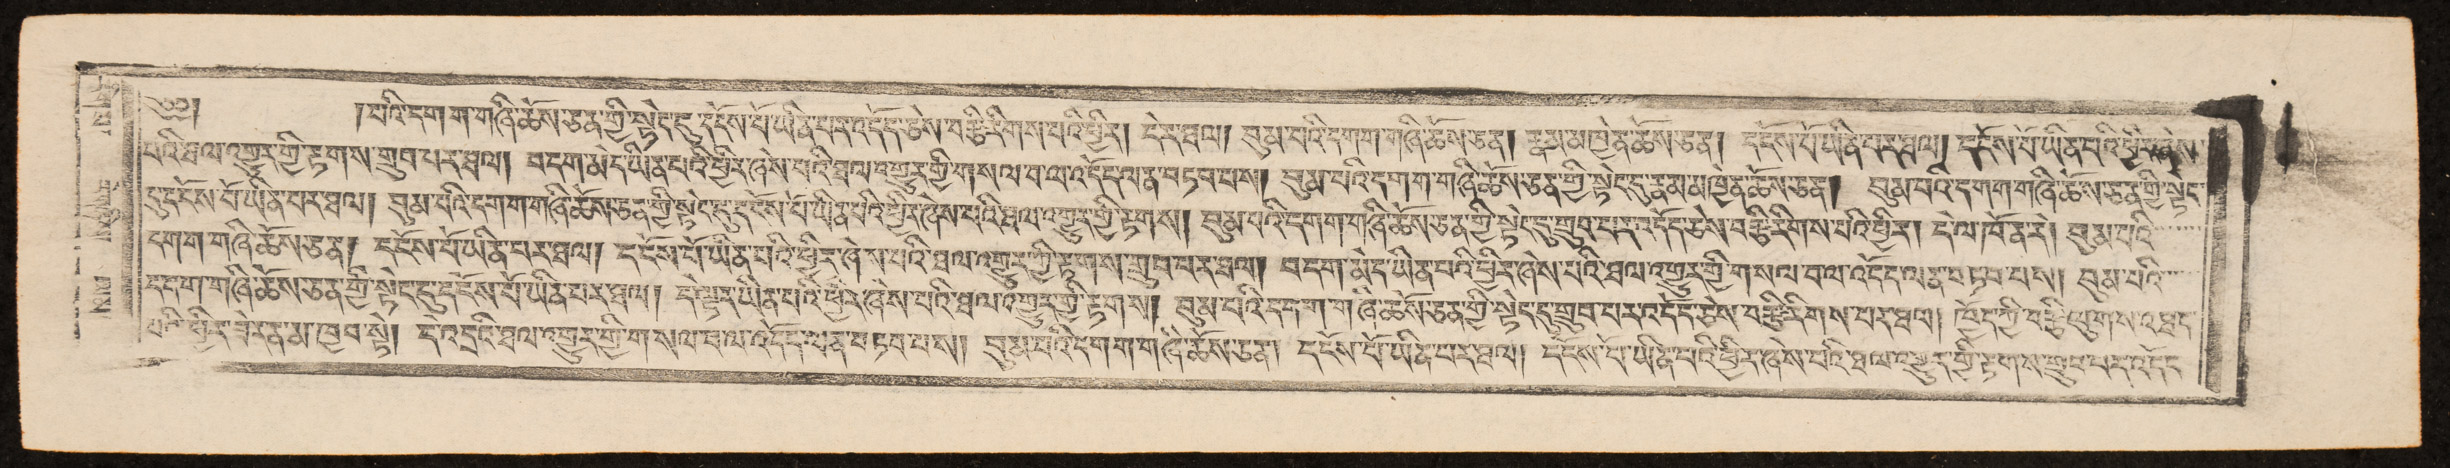༄༅། །པའི་དགག་གཞི་ཆོས་ཅན་གྱི་སྟེང་དུ་དངོས་པོ་ཡིན་པར་འདོད་ཅེས་བརྩི་རིགས་པའི་ཕྱིར། དེར་ཐལ། བུམ་པའི་དགག་གཞི་ཆོས་ཅན། རྣམ་མཁྱེན་ཆོས་ཅན། དངོས་པོ་ཡིན་པར་ཐལ། དངོས་པོ་ཡིན་པའི་ཕྱིར་ཞེས་
པའི་ཐལ་འགྱུར་གྱི་རྟགས་གྲུབ་པར་ཐལ། བདག་མེད་ཡིན་པའི་ཕྱིར་ཞེས་པའི་ཐལ་འགྱུར་གྱི་གསལ་བ་ལ་འདོད་ལན་བཏབ་པས། བུམ་པའི་དགག་གཞི་ཆོས་ཅན་གྱི་སྟེང་དུ་རྣམ་མཁྱེན་ཆོས་ཅན། བུམ་པའི་དགག་གཞི་ཆོས་ཅན་གྱི་སྟེང་
དུ་དངོས་པོ་ཡིན་པར་ཐལ། བུམ་པའི་དགག་གཞི་ཆོས་ཅན་གྱི་སྟེང་དུ་དངོས་པོ་ཡིན་པའི་ཕྱིར་ཞེས་པའི་ཐལ་འགྱུར་གྱི་རྟགས། བུམ་པའི་དགག་གཞི་ཆོས་ཅན་གྱི་སྟེང་དུ་གྲུབ་པར་འདོད་ཅེས་བརྩི་རིགས་པའི་ཕྱིར། དེ་ལ་ཁོ་ན་རེ། བུམ་པའི་
དགག་གཞི་ཆོས་ཅན། དངོས་པོ་ཡིན་པར་ཐལ། དངོས་པོ་ཡིན་པའི་ཕྱིར་ཞེས་པའི་ཐལ་འགྱུར་གྱི་རྟགས་གྲུབ་པར་ཐལ། བདག་མེད་ཡིན་པའི་ཕྱིར་ཞེས་པའི་ཐལ་འགྱུར་གྱི་གསལ་བ་ལ་འདོད་ལན་བཏབ་པས། བུམ་པའི་
དགག་གཞི་ཆོས་ཅན་གྱི་སྟེང་དུ་དངོས་པོ་ཡིན་པར་ཐལ། དེ་ལྟར་ཡིན་པའི་ཕྱིར་ཞེས་པའི་ཐལ་འགྱུར་གྱི་རྟགས། བུམ་པའི་དགག་གཞི་ཆོས་ཅན་གྱི་སྟེང་དུ་གྲུབ་པར་འདོད་ཅེས་བརྩི་རིགས་པར་ཐལ། ཁྱོད་ཀྱི་བརྩི་ལུགས་འཐད་
པའི་ཕྱིར་ཟེར་ན་མ་ཁྱབ་སྟེ། དེ་འདྲའི་ཐལ་འགྱུར་གྱི་གསལ་བ་ལ་འདོད་ལན་བཏབ་པས། བུམ་པའི་དགག་གཞི་ཆོས་ཅན། དངོས་པོ་ཡིན་པར་ཐལ། དངོས་པོ་ཡིན་པའི་ཕྱིར་ཞེས་པའི་ཐལ་འགྱུར་གྱི་རྟགས་གྲུབ་པར་འདོད་